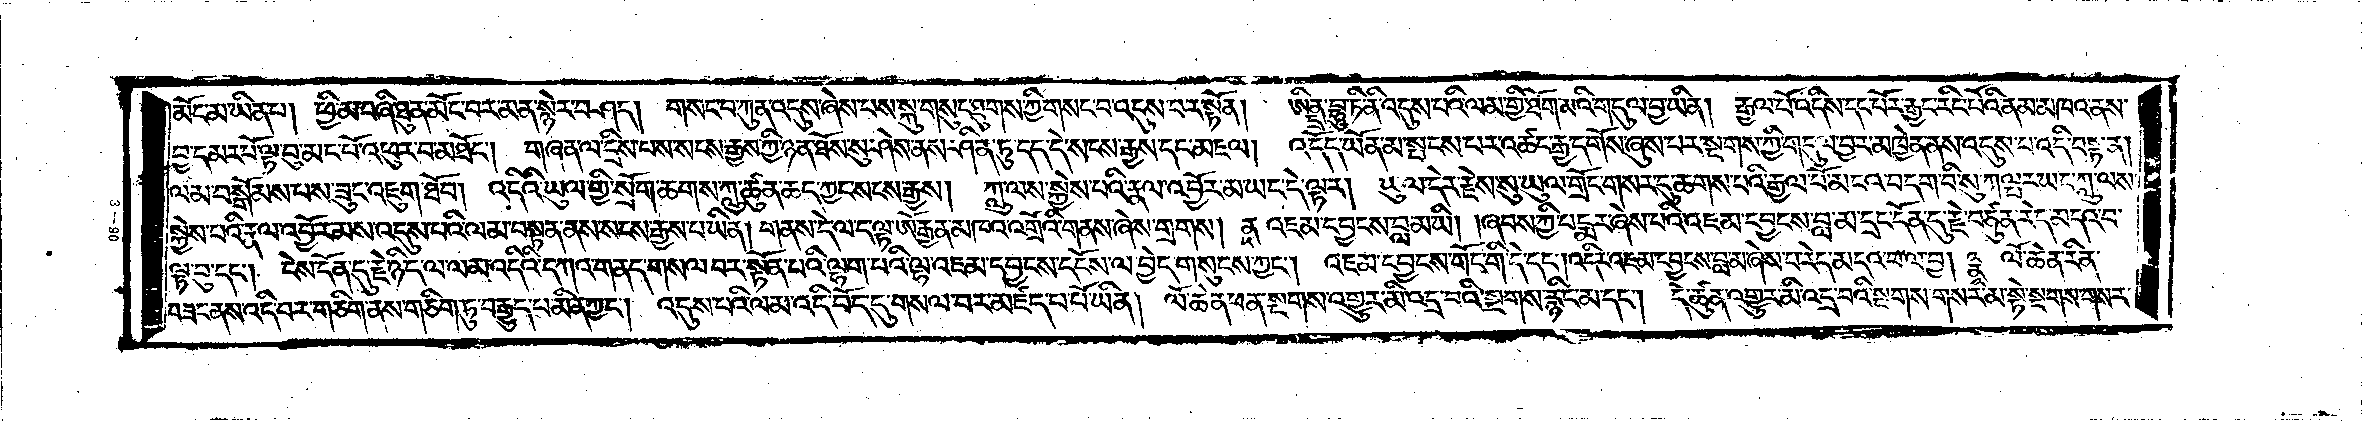མོང་མ་ཡིན་པ། ཕྱི་མ་བཞི་ཐུན་མོང་བར་མན་སྙེར་བཤད། གསང་བ་ཀུན་འདུས་ཞེས་པས་སྐུ་གསུང་ཐུགས་ཀྱི་གསང་བ་འདུས་བར་སྟོན། ཨིནྡྲ་བྷཱུ་ཏི་ནི་འདུས་པའི་ལམ་གྱི་ཐོག་མའི་གདུལ་བྱ་ཡིན། རྒྱལ་པོ་འདིས་དང་པོར་རྒྱང་རིང་པོའི་ནམ་མཁའ་ནས་
བྱ་དམར་པོ་ལྟ་བུ་མང་པོ་འཕུར་བ་མཐོང་། གཞན་ལ་དྲིས་པས་སངས་རྒྱས་ཀྱི་ཉན་ཐོས་སུ་ཤེས་ནས་ཤིན་ཏུ་དད་དེ་སངས་རྒྱས་དང་མཇལ། འདོད་ཡོན་མ་སྤངས་པར་འཚང་རྒྱ་དགོས་ཞུས་པར་སྔགས་ཀྱི་གདུལ་བྱར་མཁྱེན་ནས་འདུས་པ་འདི་བསྟན།
ལམ་བསྒོམས་པས་ཟུང་འཇུག་ཐོབ། འདིའི་ཡུལ་གྱི་སྲོག་ཆགས་ཀླུ་ཚུན་ཆད་ཀྱང་སངས་རྒྱས། ཀླུ་ལས་སྐྱེས་པའི་རྣལ་འབྱོར་མ་ཡང་དེ་ལྟར། ཡུལ་དེར་རྗེས་སུ་ཡུལ་གྲོང་གསར་དུ་ཆགས་པའི་རྒྱལ་པོ་མངའ་བདག་བི་སུ་ཀལ་བར་ཡང་ཀླུ་ལས་
སྐྱེས་བའི་རྣལ་འབྱོར་མས་འདུས་པའི་ལམ་བསྟན་ནས་སངས་རྒྱས་པ་ཡིན། གནས་དེ་ལ་ད་ལྟ་ཨ་རྒྱན་མཁའ་འགྲོའི་གནས་ཞེས་གྲངས། ན༥་འཇམ་དབྱངས་བླ་མ་ཡི། །ཞབས་ཀྱི་པདམར་ཞེས་པའི་འཇམ་དབྱངས་བླ་མ་དྲང་དོན་དུ་རྗེ་བཙུན་རེད་མདའ་བ་
ལྟ་བུ་དང་། ངེས་དོན་དུ་རྗེ་ཉིད་ལ་ལམ་འདིའི་དཀའ་གནད་གསལ་བར་སྟོན་པའི་ལྷ་འཇམ་དབྱངས་དངོས་ལ་བྱེད་གསུངས་ཀྱང་། འཇམ་དབྱངས་གོང་གི་དེ་དང་། འདིར་འཇམ་དབྱངས་བླ་མ་ཞེས་པ་རེད་མདའ་བ་ལ་བྱ། ༢ན༢་ལོ་ཆེན་རིན་
བཟང་ནས་འདི་བར་གཅིག་ནས་གཅིག་ཏུ་བརྒྱུད་པ་མིན་ཀྱང་། འདུས་པའི་ལམ་འདི་བོད་དུ་གསལ་བར་མཛད་པ་པོ་ཡིན། ལོ་ཆེན་ཕན་སྔགས་འགྱུར་མི་འདྲ་བའི་སྔགས་རྙིང་མ་དང་། དེ་ཚུན་འགྱུར་མི་འདྲ་བའི་སྔགས་གསར་མ་སྟེ་སྔགས་གསར་